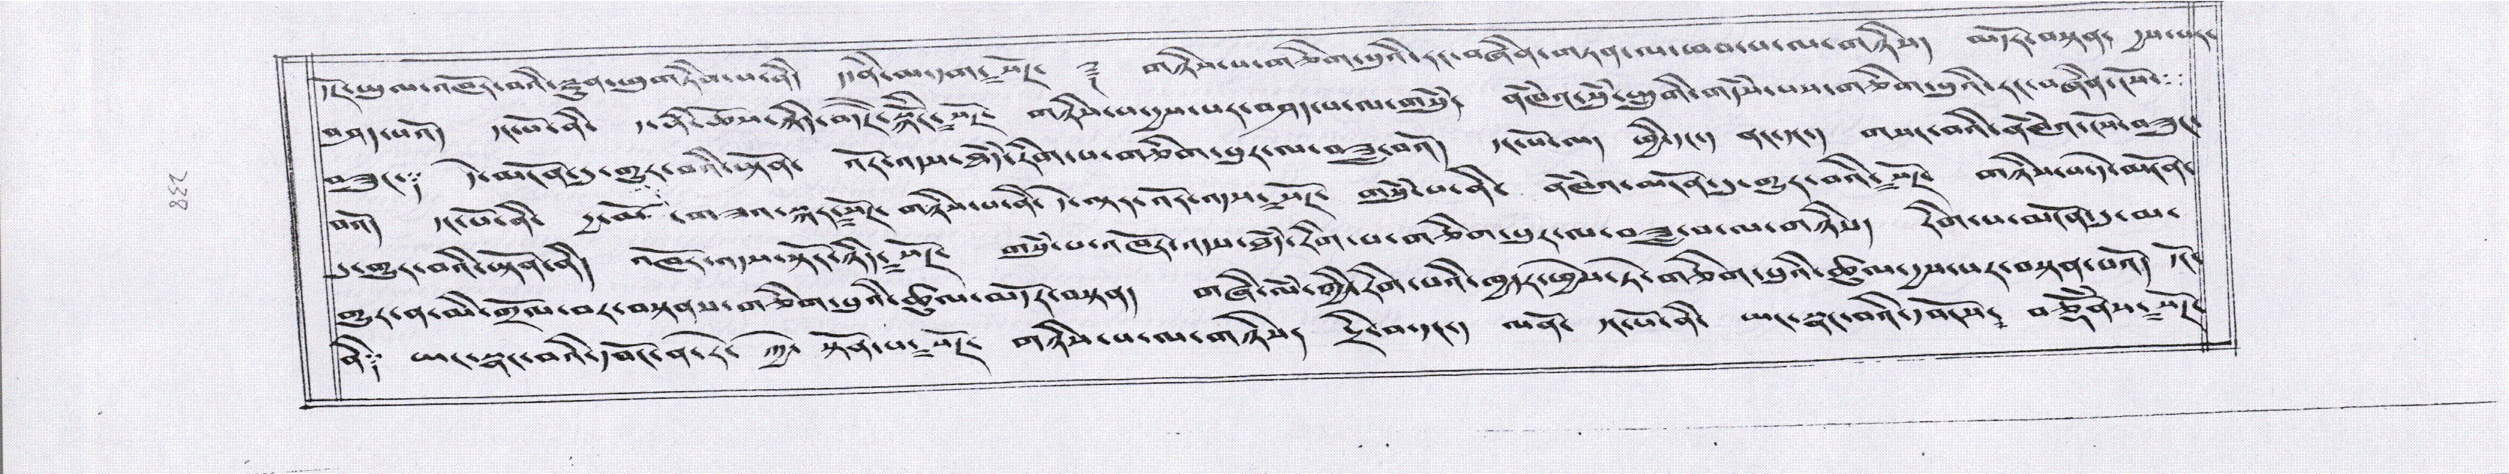དོགས་ཡུལ་འཁོར་བའི་རྫུན་ཕུག་གཏིབ་པ་ནི། ད་ནི་མ་དག་་་སོགས། ༑ གཉིས་པ་གཅིག་པུའི་རང་བཞིན་གཏན་ལ་ཕབ་པ་ལ་གཉིས། མདོར་བསྟན། རྒྱས་པར་
བཤད་པའོ།་དང་པོ་ནི། ད་ནི་ཆོས་ཉིད་བདེར་གཤེགས་སྙིང་པོ་་་་སོགས། གཉིས་པ་རྒྱས་པར་བཤད་པ་ལ་གསུམ། ནམ་མཁའ་སུམ་སྤྲུག་གི་གདམས་པས་གཅིག་པུའི་རང་བཞིན་ངོས་
བཟུང། ༑ དེ་མངོན་དུ་གྱུར་བའི་ཡོན་ཏན། འཁོར་འདས་ཐམས་ཅད་རིག་པ་གཅིག་པུར་ལ་བཟླ་བའོ། དང་པོ་ལ། ཕྱི་དང་། ནང་དང། གསང་བའི་ནམ་མཁའ་ངོས་བཟུང་
བའོ། དང་པོ་ནི། རྒྱ་མཚོ་གཟའ་སྐར་་་་སོགས། གཉིས་པ་ནི། དེ་ལྟར་འཁོར་འདས་་་་སོགས། གསུམ་པ་ནི། ནམ་མཁའ་མངོན་དུ་གྱུར་བའི་་་སོགས། གཉིས་པ་དེ་མངོན་
དུ་གྱུར་བའི་ཡོན་ཏན་ནི། འཁོར་འདས་སྟོང་ཉིད་་་་སོགས། གསུམ་པ་འཁོར་འདས་ཐམས་ཅད་རིག་པ་གཅིག་པུར་ལ་བཟླ་བ་ལ་གཉིས། རིག་པ་མངོན་དུ་མ་
གྱུར་ན་མི་གྲོལ་བར་བསྟན་ནས་གཅིག་པུའི་ཚུལ་མདོར་བསྟན། གཞི་ལམ་གྱི་རིག་པའི་ཁྱད་པར་ཕྱེས་ཏེ་གཅིག་པུའི་ཚུལ་རྒྱས་པར་བསྟན་པའོ། དང་པོ་
ནི། ཡང་སྣང་བའི་དབང་པོ་ན་རེ། ཀྱེ་སྟོན་པ་་་སོགས། གཉིས་པ་ལ་གཉིས། དྲི་བ་དང། ལན་ནོ། དང་པོ་ནི། ཡང་སྣང་བའི་དབང་པོས་་་་། བཅོམ་ལྡན་འདས་་་་སོགས།